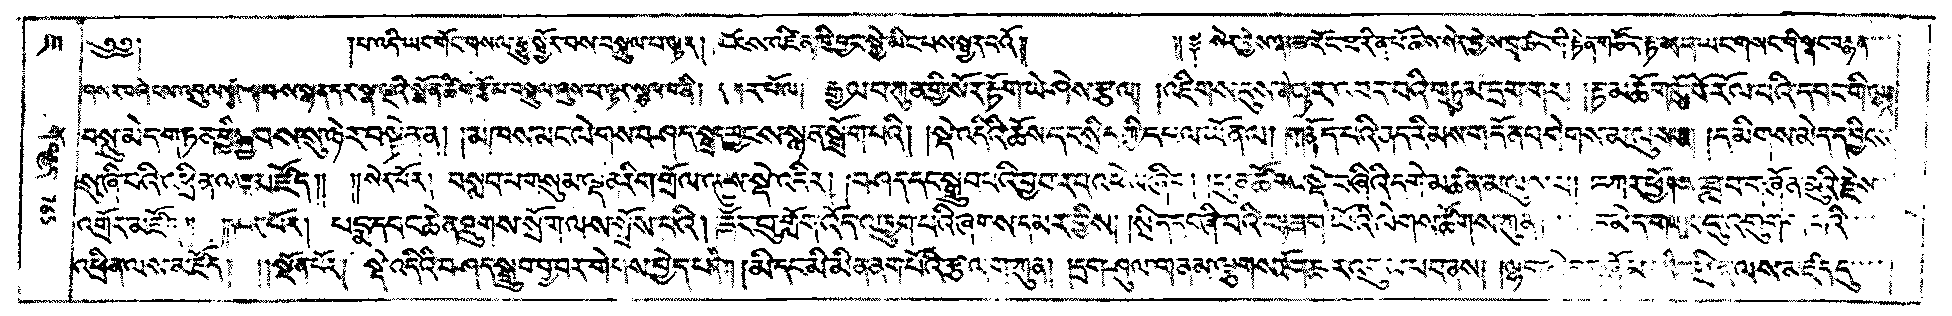༄༅། །པ་འདི་ཡང་གོང་གསལ་རྒྱུ་སྦྱོར་བས་བསྐུལ་བ་ལྟར། ཡོངས་འཛིན་ཁྲི་བྱང་སྐྱེ་མིང་པས་སྦྱར་བའོ།། །། ༈ སེར་བྱེས་ལྡན་མ་རོང་ཐ་རིན་པོ་ཆེས་སེར་བྱེས་གྲྭ་ཚང་གི་རྟེན་གཙོར་རྟ་མགྲིན་ཡང་གསང་གི་སྣང་བརྙན་
གསར་བཞེངས་འབུལ་སྦྱོར་སྐབས་སྙན་དར་སྣ་ལྔའི་སྨོན་ཚིག་རྩོམ་བསྐུལ་ཞུས་པ་ལྟར་སྩལ་བ་ནི། དཀར་པོ་ལ། རྒྱལ་བ་ཀུན་གྱི་སོར་རྟོག་ཡེ་ཤེས་རྩལ། །འཇིགས་དུས་མེ་ལྟར་འབར་བའི་གཏུམ་དྲག་གར། །རྟ་མཆོག་ཁྲོ་བོ་རོལ་པའི་དབང་གི་ལྷ། །
བསླུ་མེད་གཏན་གྱི་སྐྱབས་སུ་ཉེར་བསྟེན་ན། །མཁས་མང་ལེགས་བཤད་སྒྲ་དབྱངས་སྙན་སྒྲོག་པའི། །སྡེ་འདིའི་ཆོས་དང་སྲིད་ཀྱི་དཔལ་ཡོན་ལ། །གནོད་པའི་ནད་རིམས་གདོན་བགེགས་མ་ལུས་པ། །དམིགས་མེད་དབྱིངས་
སུ་ཞི་བའི་འཕྲིན་ལས་མཛོད།། །། སེར་པོར།  བསླབ་པ་གསུམ་ལྡན་རིག་གྲོལ་འདུས་སྡེ་འདིར། །བཤད་དང་སྒྲུབ་པའི་བྱ་བ་རབ་འཕེལ་ཞིང་། །ཕུན་ཚོགས་སྡེ་བཞིའི་དགེ་མཚན་མ་ལུས་པ། །དཀར་ཕྱོགས་ཟླ་བ་གཞོན་ནུའི་རྗེས་
འགྲོར་མཛོད།། །། དམར་པོར།  པདམ་དབང་ཆེན་ཐུགས་སྲོག་ལས་སྤྲོས་པའི། །ནོར་བུ་གློག་འོད་འཁྱུག་པའི་ཞགས་དམར་གྱིས། །སྲིད་དང་ཞི་བའི་བརྟན་གཡོའི་ལེགས་ཚོགས་ཀུན། །འབད་མེད་གཡང་དུ་འགུགས་པའི་
འཕྲིན་ལས་མཛོད།། །། སྔོན་པོར།  སྡེ་འདིའི་བཤད་སྒྲུབ་བྱ་བར་གེགས་བྱེད་པའི། །མི་དང་མི་མིན་ནག་པོའི་རྩ་ལག་ཀུན། །དྲག་ཤུལ་གནམ་ལྕགས་ཐོག་ཆར་འབུམ་ཕབ་ནས། །ལྷག་མེད་གཞོམ་པའི་འཕྲིན་ལས་མཛད་དུ་